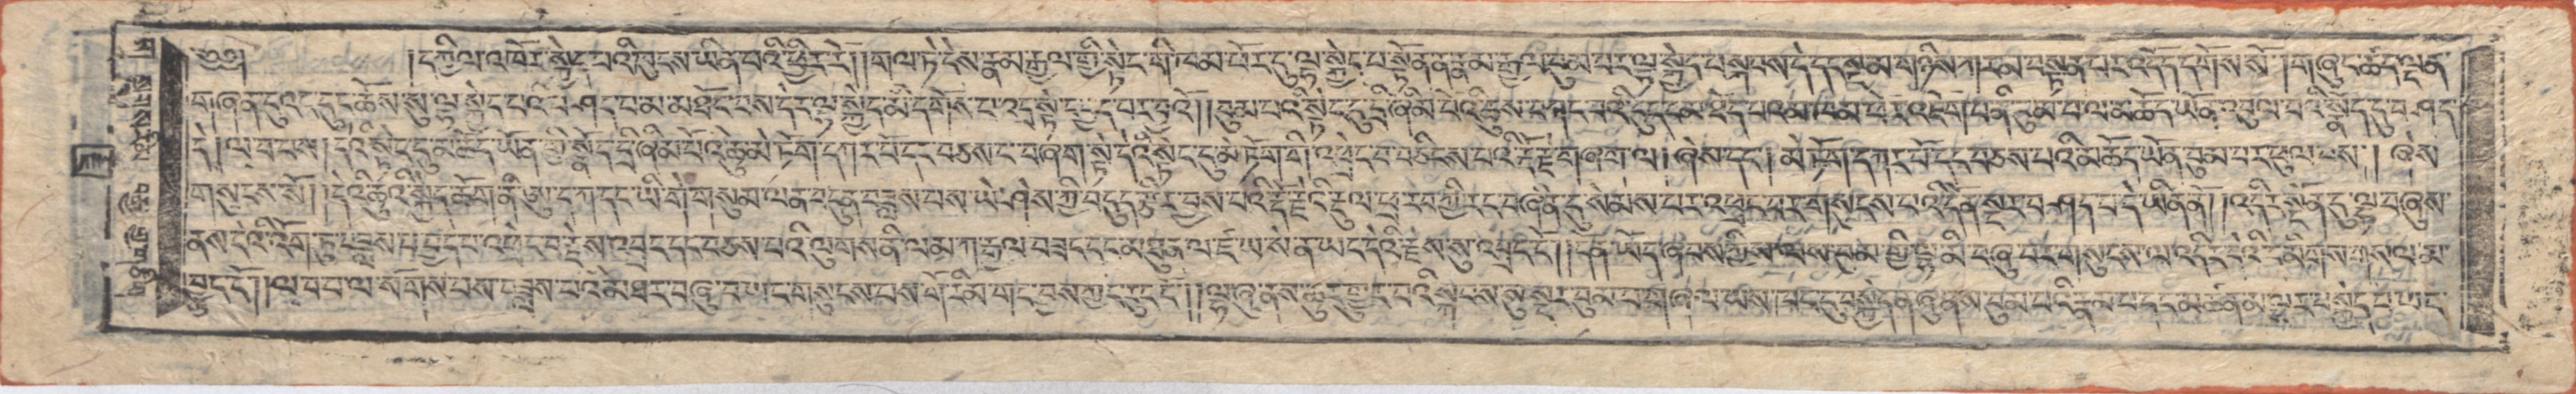༄༅། །དཀྱིལ་འཁོར་སྐྱེད་པའི་ཁུངས་ཡིན་པའི་ཕྱིར་རོ། །གལ་ཏེ་དེས་རྣམ་རྒྱལ་གྱི་སྟེང་གི་ཁམ་ཕོར་དུ་ལྷ་སྐྱེད་པ་སྟོན་ན་རྣམ་རྒྱལ་བུམ་པར་ལྷ་སྐྱེད་པ་སྐབས་དེ་དང་སྔ་མ་གཉིས་ཀར་མ་བསྟན་པར་འདོད་དགོས་སོ། གཞུང་ཚད་ལྡན་
གཞན་དུའང་དུང་ཆོས་སུ་ལྷ་སྐྱེད་པའི་བཤད་པ་མ་མཐོང་བས་དེར་ལྷ་སྐྱེད་མི་དགོས་པ་འདྲ་སྟེ་དཔྱད་པར་བྱའོ། །བུམ་པའི་སྟེང་དུ་དྲི་ཞིམ་པོའི་ཆུས་བཀང་བའི་ངུད་ངམ་ཐོད་པའམ་ཁམ་ཕོར་འཇོག་པ་ནི་དུམ་པ་ལ་མཆོད་ཡོན་འབུལ་བའི་སྣོད་དུ་བཤད་
དེ། ལ་བ་པས། དེའི་སྟེང་དུ་མཆོད་ཡོན་གྱི་སྣོད་དྲི་ཞིམ་པོའི་ཆུ་མེ་ཏོག་དཀར་པོ་དང་བཅས་པ་བཞག་སྟེ་དེའི་སྟེང་དུ་མེ་ཏོག་གི་འཕྲེང་བ་བཅིངས་པའི་རྡོ་རྗེ་གཞག་ལ། ཞེས་དང་། མེ་ཏོག་དཀར་པོ་དང་བཅས་པའི་མཆོད་ཡོན་བུམ་པར་ཕུལ་བས། །ཞེས་
གསུངས་སོ། །དེའི་ཆུའི་སྐྱེད་ཆོག་ནི་ཨུ་ད་ཀ་དང་ཡི་གེ་གསུམ་ལན་བདུན་བཟླས་པས་ཡེ་ཤེས་ཀྱི་བདུད་རྩིར་བྱས་པའི་རྡོ་རྗེའི་རྡུལ་ཕྲ་རབ་ཀྱི་རང་བཞིན་དུ་སེམས་པར་འཕྲེང་བར་གསུངས་པའི་དོན་སྔར་བཤད་པ་དེ་ཡིན་ནོ། །འདིར་སྔོན་དུ་ལྷ་བཞུས་
ནས་དེའི་འོག་ཏུ་བཟླས་པ་བྱེད་པ་འཕྲེང་བ་རྗེས་འབྲང་དང་བཅས་པའི་ལུགས་ནི་ལམ་ཀ་རྒྱལ་བཟང་དང་མཐུན་ལ་ཛ་ཡ་སེ་ན་ཡང་དེའི་རྗེས་སུ་འབྲང་ངོ། །དོན་ཡོད་ཞབས་ཀྱིས་ལས་བུམ་གྱི་ལྷ་མི་བཞུ་བར་གསུངས་ལ་འདིར་དེའི་དམིགས་གསལ་མ་
བྱུང་ངོ། །ལྭ་བ་པ་ལ་སོགས་པས་བཟླས་པའི་མཐར་བཞུ་བ་ཡང་གསུངས་པས་གོ་རིམ་གང་བྱས་ཀྱང་རུང་ངོ། །ལྷ་ཞུ་ནས་ཆུར་གྱུར་བའི་སྐབས་སུ་སྔར་བུམ་པ་གཞལ་ཡས་ཁང་དུ་བསྐྱེད་ན་ཞུ་ནས་བུམ་པའི་རྣམ་པ་དང་མཚན་མ་ལྷར་བསྐྱེད་པ་ཡང་